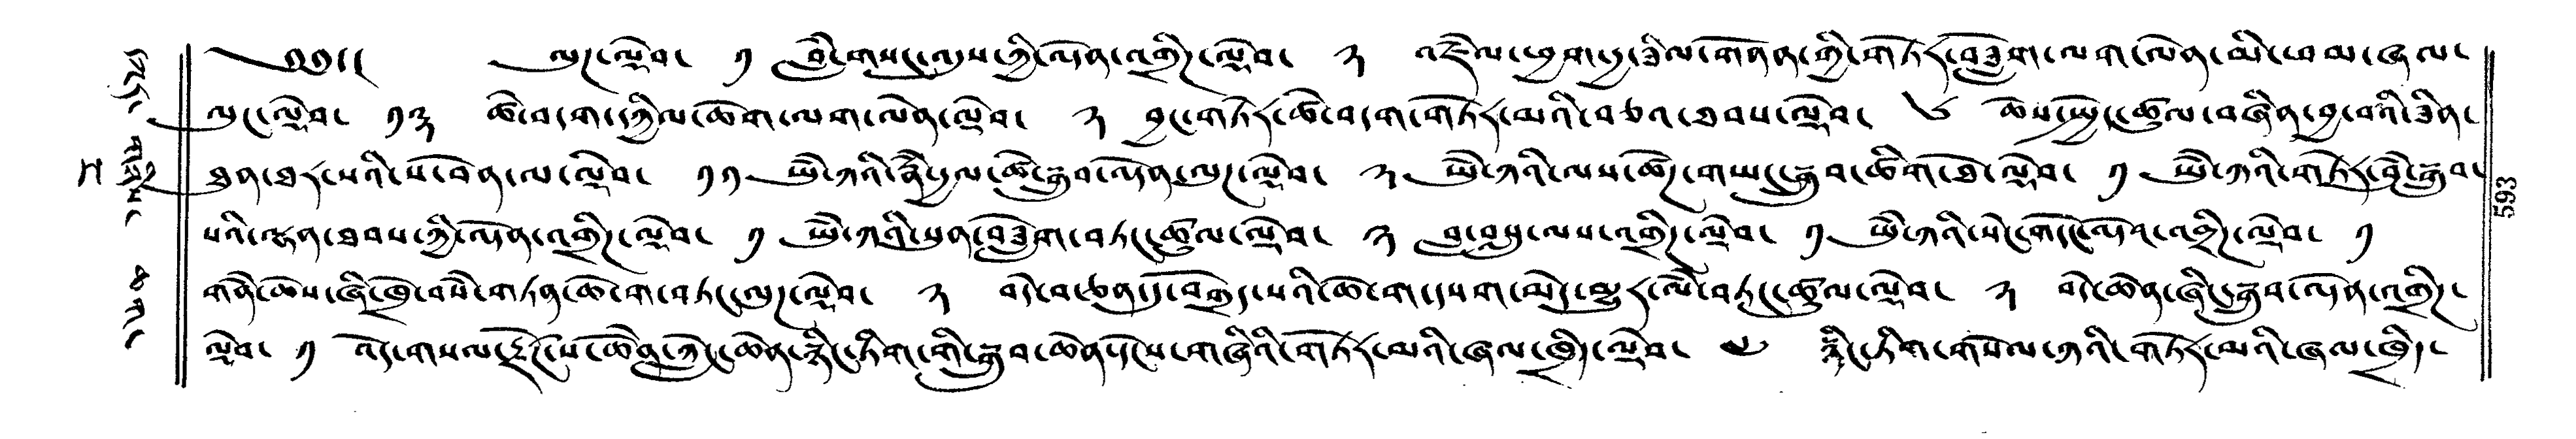ལུགས་ལྡེབ། བླ་མ་གསང་འདུས་ཀྱི་འདོན་འགྲིགས་ལྡེབ། འཇམ་དཔལ་ཕྱག་རྒྱ་ཟིན་གནོན་གྱི་གཏོར་བཟློག་ལག་ལེན་མི་ཕམ་ཞལ་
ལུང་ལ་ལྡེབ། ཚེ་བདག་དཀྱིལ་ཆོག་ལག་ལེན་ལ་ལྡེབ། བྱང་གཏེར་ཚེ་བདག་གཏོར་མའི་བཅའ་ཐབས་ལ་ལྡེབ། ཆོས་སྤྱོད་ཚུལ་བཞིན་བྱ་བའི་ཟིན་
ཐུན་ཐར་པའི་ས་བོན་ལ་ལྡེབ། ཡུམ་ཀའི་རྣམ་རྒྱལ་ཚེ་སྒྲུབ་འདོན་ལུགས་ལ་ལྡེབ། ཡུམ་ཀའི་ལས་ཚོགས་གཡང་སྒྲུབ་ཚིག་ཐོ་ལ་ལྡེབ། ཡུམ་ཀའི་གཏེར་བུམ་སྒྲུབ་
པའི་ལྷན་ཐབས་ཀྱི་འདོན་འགྲིགས་ལ་ལྡེབ། ཡུམ་ཀའི་སུན་བཟློག་བཏང་ཚུལ་ལ་ལྡེབ། བླ་བསླུའི་ལས་འགྲིགས་ལ་ལྡེབ། ཡུམ་ཀའི་སེང་གདོང་འདོན་འགྲིགས་ལ་ལྡེབ། 
གནམ་ཆོས་ཞི་ཁྲོ་བསམ་གཏན་ཆོ་ག་གཏོང་ལུགས་ལྡེབ། བདེ་བ་ཅན་དུ་བགྲོད་པའི་ཆོ་ག་དཔག་མེད་མྱུར་ལམ་གཏོང་ཚུལ་ལ་ལྡེབ། བདེ་ཆེན་ཞིང་སྒྲུབ་ཀྱི་འདོན་འགྲིགས་
ལྡེབ། འོད་གསལ་རྫོགས་པ་ཆེན་པོ་ཀློང་ཆེན་སྙིང་ཏིག་གི་སྒྲུབ་ཆེན་དངོས་གཞིའི་གཏོར་མའི་ཞལ་ཁྲིད་ལ་ལྡེབ། སྙིང་ཏིག་གསོལ་ཀའི་གཏོར་མའི་ཞལ་ཁྲིད་ལ་